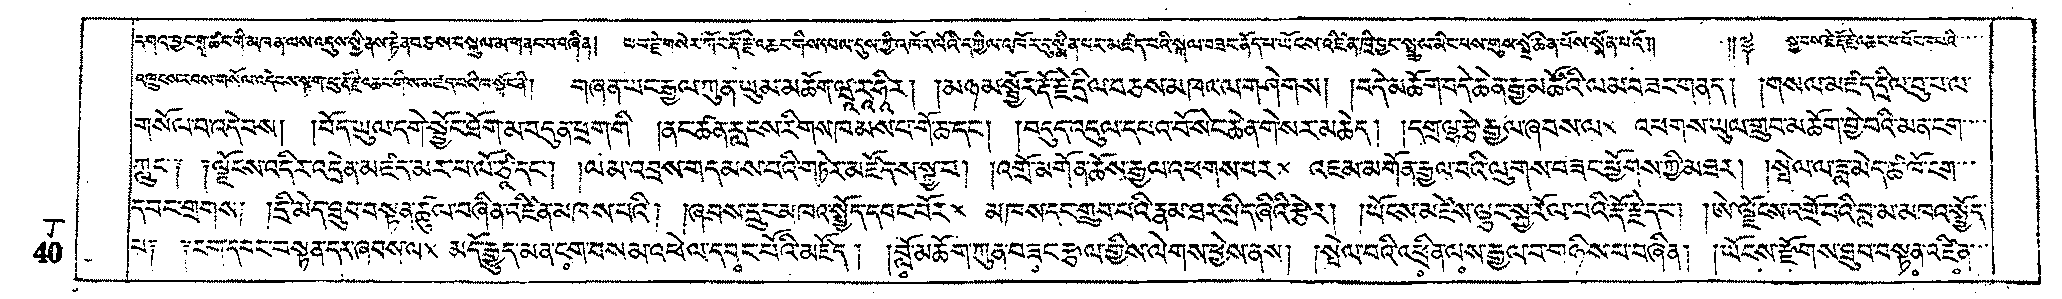དགའ་བྱང་གྲ་ཚང་གི་མཁན་ལས་འདུས་སྤྱི་ནས་རྟེན་བཅས་བསྐུལ་མ་གནང་བ་བཞིན། ཡབ་རྗེ་གསེར་ཀོང་རྡོ་རྗེ་འཆང་གིས་དཔལ་དུས་ཀྱི་འཁོར་ལོའི་དཀྱིལ་འཁོར་དུ་སྨིན་པར་མཛད་པའི་སྐལ་བཟང་ནོད་པ་ཡོངས་འཛིན་ཁྲི་བྱང་སྤྲུལ་མིང་པས་གུས་སྤྲོ་ཆེན་པོས་སྨོན་པའོ།། །།འ་སྐྱབས་རྗེ་རྡོ་རྗེ་འཆང་ཕ་བོང་ཁ་པའི་་་
འཁྲུངས་རབས་གསོལ་འདེབས་སྟག་ཕུ་རྡོ་རྗེ་འཆང་གིས་མཛད་པའི་ཁ་སྐོང་ནི། གཞན་ཡང་རྒྱལ་ཀུན་ཡུམ་མཆོག་ཝཱ་རཱ་ཧཱིར། །མཉམ་སྦྱོར་རྡོ་རྗེ་དྲིལ་བཅས་མཁའ་ལ་གཤེགས། །བདེ་མཆོག་བདེ་ཆེན་རྒྱ་མཚོའི་ལམ་བཟང་གནད། །གསལ་མཛད་དྲིལ་བུ་པ་ལ་
གསོལ་བ་འདེབས། །བོད་ཡུལ་དགེ་སྦྱོང་ཐོག་མ་བདུན་ཕྲག་གི །ནང་ཚན་རླངས་རིགས་ཁམས་པ་གོ་ཆ་དང་། །བདུད་འདུལ་དཔའ་བོ་སེང་ཆེན་གསེར་མཆེད། །དགྲ་ལྷ་རྩེ་རྒྱལ་ཞབས་ལ་྾་འཕགས་ཡུལ་གྲུབ་མཆོག་བྱེ་བའི་མན་ངག་་་
དབང་གྲགས། །དྲི་མེད་ཐུབ་བསྟན་ཚུལ་བཞིན་འཛིན་མཁས་པའི། །ཞབས་དྲུང་མཁའ་སྤྱོད་དབང་པོར་྾་མཁས་དང་གྲུབ་པའི་རྣམ་ཐར་སྲིད་ཞིའི་རྩེར། །ཡོངས་མཛེས་ལྕང་སྐྱ་རོལ་པའི་རྡོ་རྗེ་དང་། །ཨེ་ལྗོངས་འགྲོ་བའི་བླ་མ་མཁའ་སྤྱོད་
པ༑ ༑ངག་དབང་བསྟན་དར་ཞབས་ལ་྾་མདོ་རྒྱུད་མན་ངག་བསམ་འཕེལ་དབང་པོའི་མཛོད། །བློ་མཆོག་ཀུན་བཟང་རྩལ་གྱིས་ལེགས་ཕྱེས་ནས། །སྤེལ་བའི་འཕྲིན་ལས་རྒྱལ་བ་གཉིས་པ་བཞིན། །ཡོངས་རྫོགས་ཐུབ་བསྟན་འཛིན་་་